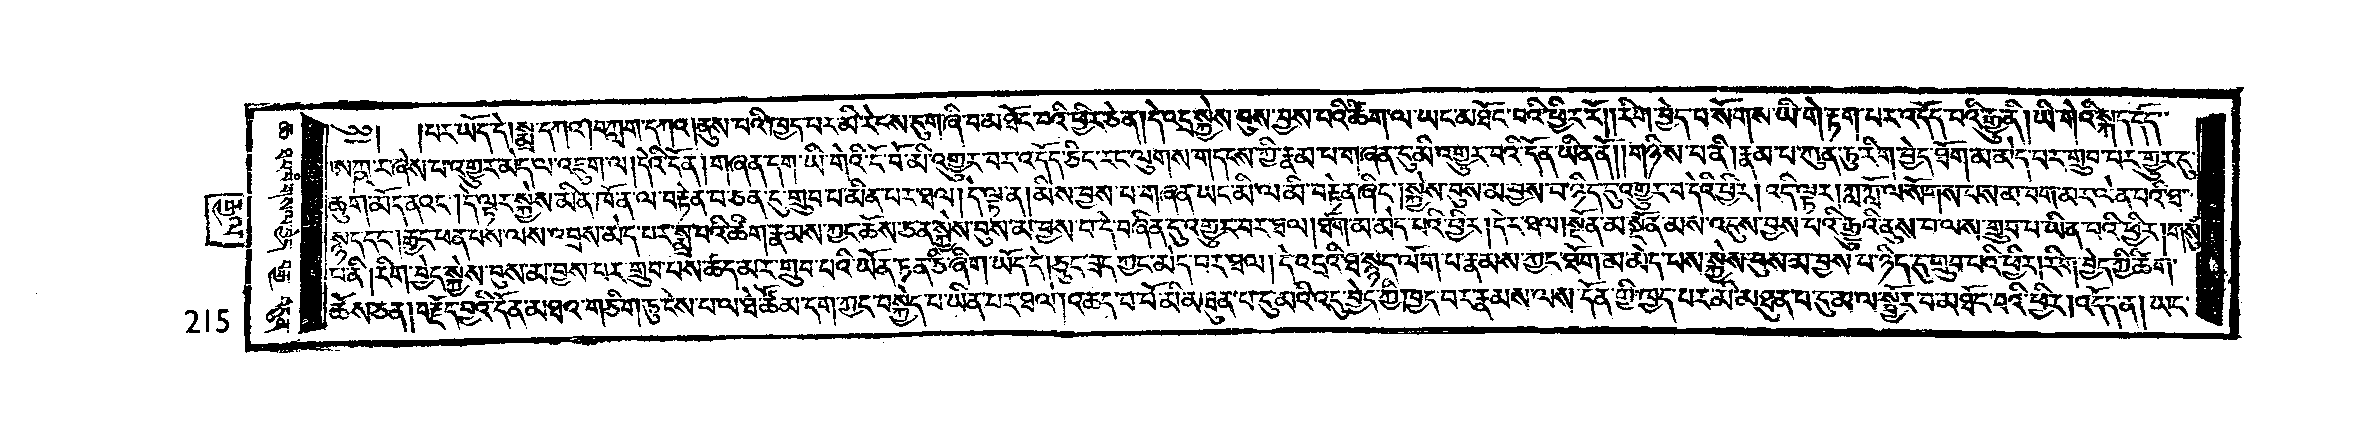༄༅། །པར་ཡོད་དེ། སྨྲ་དཀའ། བཀླག་དཀའ། ནུས་པའི་ཁྱད་པར་མི་རེང་ས་?་དུག་ཞི་བ་མཐོང་བའི་ཕྱིར་ཅེ་ན། དེ་འདྲ་སྐྱེས་བུས་བྱས་པའི་ཚིག་ལ་ཡང་མཐོང་བའི་ཕྱིར་རོ། །རིག་བྱེད་པ་སོགས་ཡི་གེ་རྟག་པར་འདོད་པའི་རྒྱུ་ནི། ཡི་གེའི་སྐད་དོད་
ཨཀྵ་ར་ཞེས་པ་འགྱུར་མེད་ལ་འཇུག་ལ། དེའི་དོན། གཞན་དག་ཡི་གེའི་ངོ་བོ་མི་འགྱུར་བར་འདོད་ཅིང་རང་ལུགས་གདངས་ཀྱི་རྣམ་པ་གཞན་དུ་མི་འགྱུར་བའི་དོན་ཡིན་ནོ། །གཉིས་པ་ནི། རྣམ་པ་ཀུན་ཏུ་རིག་བྱེད་ཐོག་མ་མེད་པར་གྲུབ་པར་གྱུར་དུ་
ཆུག་མོད་ནའང་། དེ་ལྟར་སྐྱེས་མིན་ཁོ་ན་ལ་བརྟེན་པ་ཅན་དུ་གྲུབ་པ་མིན་པར་ཐལ། དེ་ལྟ་ན། མིས་བྱས་པ་གཞན་ཡང་མི་ལ་མི་བརྟེན་ཞིང་། སྐྱེས་བུས་མ་བྱས་པ་ཉིད་དུ་འགྱུར་བ་དེའི་ཕྱིར། འདི་ལྟར། ཀླ་ཀློ་ལ་སོགས་པས་མ་བག་མར་ལེན་པའི་ཐ་
སྙད་དང་། རྒྱང་ཕན་པས་ལས་འབྲས་མེད་པར་སྨྲ་བའི་ཚིག་རྣམས་ཀྱང་ཆོས་ཅན་སྐྱེས་བུས་མ་བྱས་པ་དེ་བཞིན་དུ་འགྱུར་བར་ཐལ། ཐོག་མ་མེད་པའི་ཕྱིར། དེར་ཐལ། སྔོན་མ་སྔོན་མས་འདུས་བྱས་པའི་རྒྱུའི་ནུས་པ་ལས་གྲུབ་པ་ཡིན་པའི་ཕྱིར། གསུཾ་
པ་ནི། རིག་བྱེད་སྐྱེས་བུས་མ་བྱས་པར་གྲུབ་པས་ཚད་མར་གྲུབ་པའི་ཡོན་ཏན་ཅི་ཞིག་ཡོད་དེ། ཅུང་ཟད་ཀྱང་མེད་པར་ཐལ། དེ་འདྲའི་ཐ་སྙད་ལོག་པ་རྣམས་ཀྱང་ཐོག་མ་མེད་པས་སྐྱེས་བུས་མ་བྱས་པ་ཉིད་དུ་གྲུབ་པའི་ཕྱིར། རིག་བྱེད་ཀྱི་ཚིག་
ཆོས་ཅན། བརྗོད་བྱའི་དོན་མཐའ་གཅིག་ཏུ་ངེས་པ་ལ་ཐེ་ཚོམ་དག་ཀྱང་བསྐྱེད་པ་ཡིན་པར་ཐལ། འཆད་པ་པོ་མི་མཐུན་པ་དུ་མའི་འདུ་བྱེད་ཀྱི་ཁྱད་པར་རྣམས་ལས་དོན་གྱི་ཁྱད་པར་མི་མཐུན་པ་དུ་མ་ལ་སྦྱོར་བ་མཐོང་བའི་ཕྱིར། འདོད་ན། ཡང་